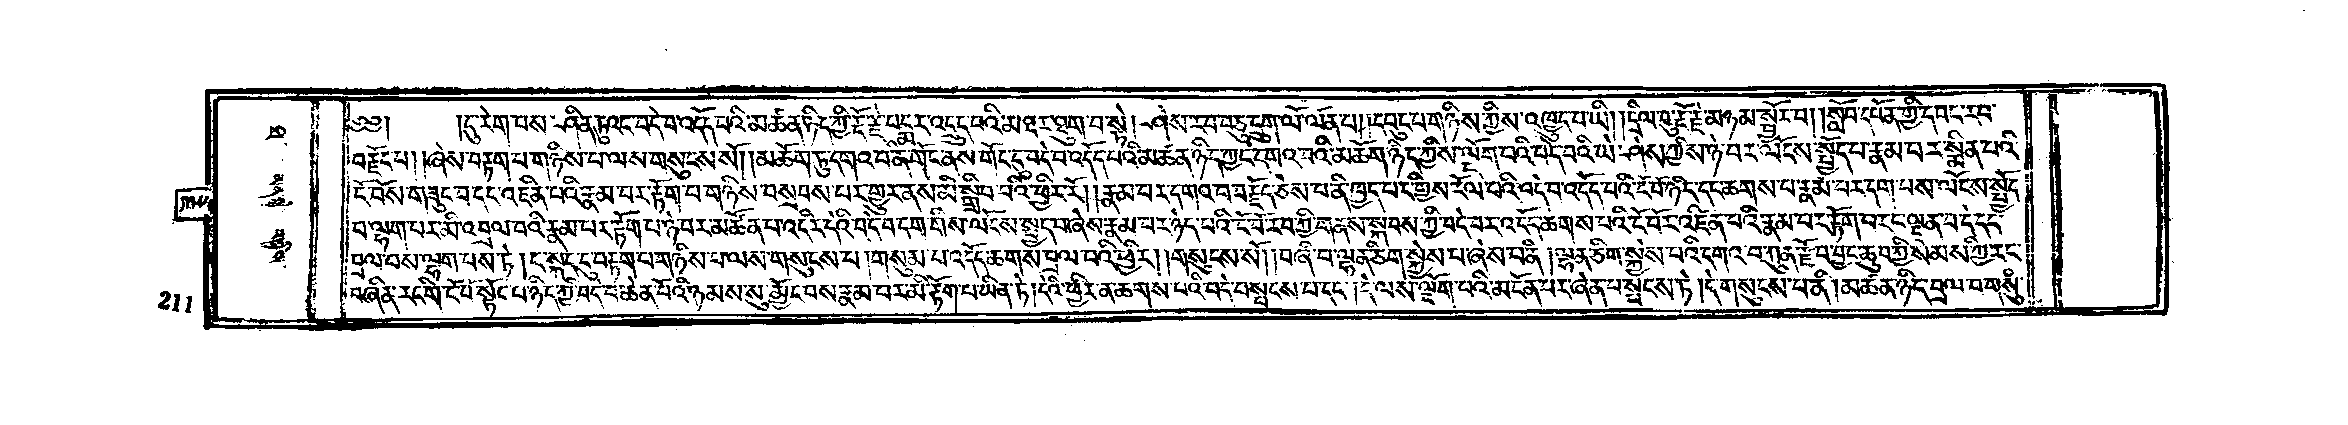༄༅། །དུ་རེག་པས་ཤིན་ཏུའང་བདེ་བ་འདོད་པའི་མཚན་ཉིད་ཀྱི་རྡོ་རྗེ་པདམར་འདྲུད་པའི་མཐར་ཐུག་པ་སྟེ། ཤེས་རབ་བཅུ་དྲུག་ལོ་ལོན་པ། །དབུང་པ་གཉིས་ཀྱིས་འཁྱུད་པ་ཡི། །དྲིལ་བུ་རྡོ་རྗེ་མཉམ་སྦྱོར་བ། །སློབ་དཔོན་གྱི་དབང་རབ་
བརྗོད་པ། །ཞེས་བརྟག་པ་གཉིས་པ་ལས་གསུངས་སོ། །མཆོག་ཏུ་དགའ་བ་ནི་གོང་ནས་གོང་དུ་བདེ་བ་འདོད་པའི་མཚན་ཉིད་ཀྱང་དགའ་བའི་མཆོག་ཉིད་ཀྱིས་ལྡོག་པའི་བདེ་བའི་ཡེ་ཤེས་ཀྱིས་ཉེ་བར་ལོངས་སྤྱོད་པ་རྣམ་པར་སྨིན་པའི་
ངོ་བོས་གཟུང་བ་དང་འཛིན་པའི་རྣམ་པར་རྟོག་པ་གཉིས་བསྲབས་པར་གྱུར་ནས་མི་སྒྲིབ་པའི་ཕྱིར་རོ། །རྣམ་པར་དགའ་བ་བརྗོད་ཅེས་པ་ནི་ཁྱད་པར་གྱིས་རོལ་བའི་བདེ་བ་འདོད་པའི་ངོ་བོ་ཉིད་དང་ཆགས་པ་རྣམ་པར་དག་པས་ལོངས་སྤྱོད་
པ་ལྷག་པར་མི་འབྲལ་བའི་རྣམ་པར་རྟོག་པ་ཉེ་བར་མཚོན་པ་འདིར་དེའི་བདེ་བ་དག་གིས་ལོངས་སྤྱད་པ་ཞེས་རྣམ་པར་ཉེད་པའི་ངོ་བོ་རབ་ཀྱི་གནས་སྐབས་ཀྱི་བདེ་བར་འདོད་ཆགས་པའི་ངོ་བོར་འཛིན་པའི་རྣམ་པར་རྟོག་པ་དང་ལྡན་པ་དེ་དང་
བྲལ་བས་ལྷག་པས་ཏེ། དེ་སྐད་དུ་བརྟག་པ་གཉིས་པ་ལས་གསུངས་པ། གསུམ་པ་འདོད་ཆགས་བྲལ་བའི་ཕྱིར། །གསུངས་སོ། །བཞི་བ་ལྷན་ཅིག་སྐྱེས་པ་ཞེས་པ་ནི། ལྷན་ཅིག་སྐྱེས་པའི་དགའ་བ་ཀུན་རྫོབ་བྱང་ཆུབ་ཀྱི་སེམས་ཀྱི་རང་
བཞིན་རང་གི་ངོ་བོ་སྟོང་པ་ཉིད་ཀྱི་བདེ་བ་ཆེན་པོའི་ཉམས་སུ་མྱོང་བས་རྣམ་པར་མི་རྟོགས་པ་?་ཏེ། དེའི་ཕྱིར་ན་ཆགས་པའི་བདེ་བ་སྤངས་པ་དང་། དེ་ལས་ལྡོག་པའི་མངོན་པར་ཞེན་པ་སྤངས་ཏེ། དེ་གསུངས་པ་ནི། མཚན་ཉིད་བྲལ་བ་གསུམ་